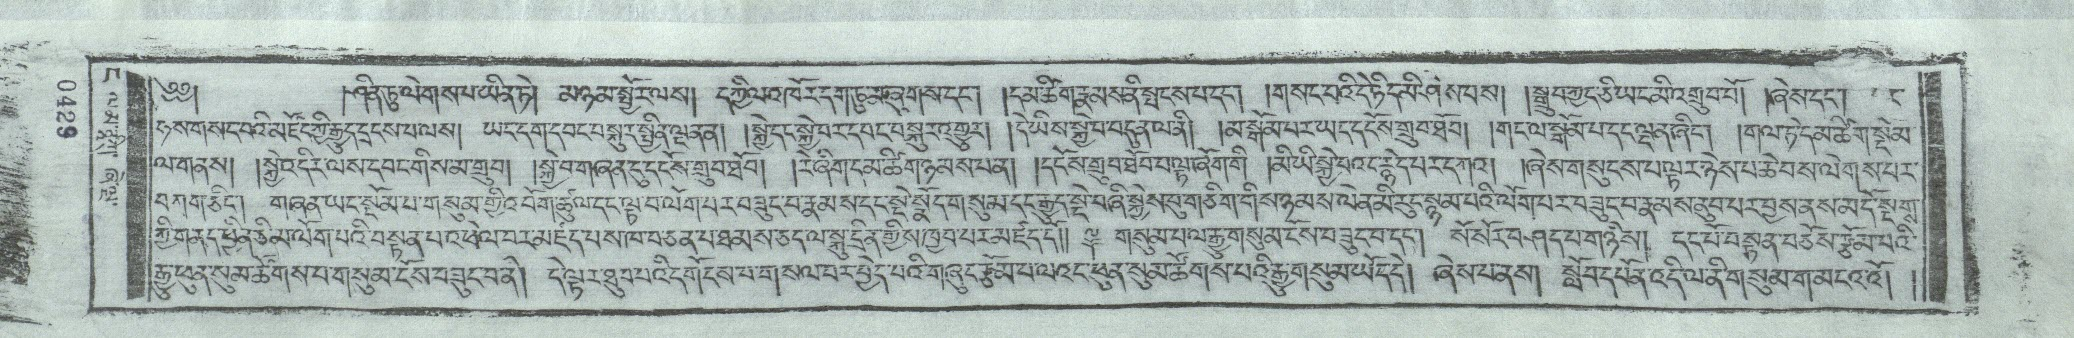༄༅། །ཤིན་ཏུ་ལེགས་པ་ཡིན་ཏེ། མཉམ་སྤྱོར་ལས། དཀྱིལ་འཁོར་དག་ཏུ་མ་ཞུགས་དང་། །དམ་ཚིག་རྣམས་ནི་སྤངས་པ་དང་། །གསང་བའི་དེ་ཉིད་མི་ཤེས་བས། །སྒྲུབ་ཀྱང་ཅི་ཡང་མི་འགྲུབ་བོ། །ཞེས་དང་། དར་
ཧས་གསང་བའི་མཛོད་ཀྱི་རྒྱུད་དྲངས་པ་ལས། ཡང་དག་དབང་བསྐུར་སྤྱིན་ལྡན་ན། །སྐྱེ་དང་སྐྱེ་བར་དབང་བསྐུར་འགྱུར། །དེ་ཡིས་སྐྱེ་བ་བདུན་ལ་ནི། །མ་སྒོམ་པར་ཡང་དངོས་གྲུབ་ཐོབ། །གང་ལ་སྒོམ་པ་དང་ལྡན་ཞིང་། །གལ་ཏེ་དམ་ཚིག་སྡོམ་
ལ་གནས། །སྐྱེ་འདིར་ལས་དབང་གིས་མ་གྲུབ། །སྐྱེ་བ་གཞན་དུ་དངོས་གྲུབ་ཐོབ། །རེ་ཞིག་དམ་ཚིག་ཉམས་པ་ན། །དངོས་གྲུབ་ཐོབ་པ་ལྟ་ཞོག་གི །མི་ཡི་སྐྱེ་བའང་རྙེད་པར་དཀའ། །ཞེས་གསུངས་པ་ལྟར་ཉེས་པ་ཆེ་བས་ལེགས་པར་
བཀག་ཅིང་། གཞན་ཡང་སྔོམ་པ་གསུམ་གྱི་འྤོག་ཚུལ་དང་ལྟ་བ་ལོག་པར་བཟུང་བ་རྣམས་དང་སྡེ་སྣོད་གསུམ་དང་རྒྱུད་སྡེ་བཞི་སྐྱེས་བུ་གཅིག་གིས་ཉམས་ལེན་མི་རུང་སྙམ་པའི་ལོག་པར་བཟུང་བ་རྣམས་ནུབ་པར་བྱས་ནས་མདོ་སྔགས་
ཀྱི་གནད་ཕྱིན་ཅི་མ་ལོག་པའི་བསྟན་པ་འཕེལ་བར་མཛད་པས་ཁ་བཅན་པ་ཐམས་ཅད་ལ་སྐུ་དྲིན་གྱིས་ཁྱབ་པར་མཛད་དོ།། ༈ གསུམ་པ་ལ་རྒྱུ་གསུམ་ངོས་བཟུང་པ་དང་། སོ་སོར་བཤད་པ་གཉིས། དང་པོ་བསྟན་བཅོས་རྩོམ་པའི་
རྒྱུ་ཕུན་སུམ་ཚོགས་པ་གསུམ་ངོས་བཟུང་བ་ནེ། དེ་ལྟར་ཐུབ་པའི་དགོངས་པ་གསལ་བར་བྱེད་པའི་གཞུང་རྩོམ་པ་ལའང་ཕུན་སུམ་ཚོགས་པའི་རྒྱུ་གསུམ་ཡོད་དེ། ཞེས་པ་ནས། སློབ་དཔོན་འདི་ལ་ནི་གསུམ་གཡང་འོ།།